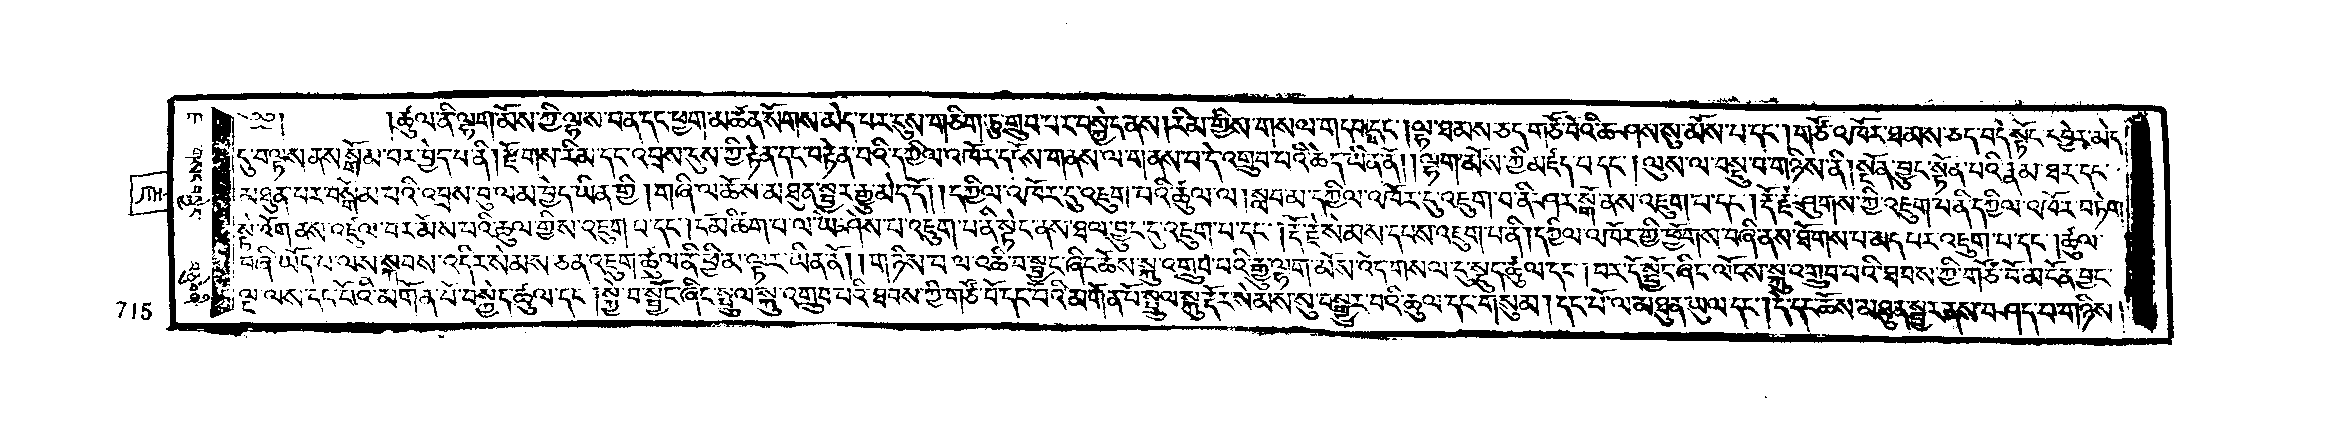༄༅། །ཚུལ་ནི་ལྷག་མོས་ཀྱི་ལྷ་ས་བན་དང་ཕྱག་མཚན་སོགས་མེད་པར་དུས་གཅིག་ཏུ་གྲུབ་པར་བསྐྱེད་ནས། རིམ་གྱིས་གསལ་གདབ་པ་དང་། ལྷ་ཐམས་ཅད་གཙོ་བོའི་ཆ་ཤས་སུ་མོས་པ་དང་། གཙོ་འཁོར་ཐམས་ཅད་བདེ་སྟོང་དབྱེར་མེད་
དུ་བལྟས་ནས་སྒོམ་པར་བྱེད་པ་ནི། རྫོགས་རིམ་དང་འབྲས་དུས་ཀྱི་རྟེན་དང་བརྟེན་པའི་དཀྱིལ་འཁོར་དངོས་གནས་ལ་གནས་པ་དེ་འགྲུབ་པའི་ཆེད་ཡིན་ནོ། །ལྷག་མོས་ཀྱི་མཛད་པ་དང་། ལུས་ལ་བསྡུ་བ་གཉིས་ནི། སྔོན་བྱུང་སྟོན་པའི་རྣམ་ཐར་དང་
མཐུན་པར་བསྒོམ་པའི་འབྲས་བུ་ལམ་བྱེད་ཡིན་གྱི། གཞི་ལ་ཆོས་མཐུན་སྦྱར་རྒྱུ་མེད་དོ། །དཀྱིལ་འཁོར་དུ་འཇུག་པའི་ཚུལ་ལ། སླབ་མ་དཀྱིལ་འཁོར་དུ་འཇུག་པ་ནི་ཤར་སྒོ་ནས་འཇུག་པ་དང་། རྡོ་རྗེ་ཤུགས་ཀྱི་འཇུག་པ་ནི་དཀྱིལ་འཁོར་བཏེག་
སྟེ་འོག་ནས་འཛུལ་བར་མོས་པའི་ཚུལ་གྱིས་འཇུག་པ་དང་། དམ་ཚིག་པ་ལ་ཡེ་ཤེས་པ་འཇུག་པ་ནི་སྟེང་ནས་ཐལ་བྱུང་དུ་འཇུག་པ་དང་། རྡོ་རྗེ་སེམས་དཔས་འཇུག་པ་ནི། དཀྱིལ་འཁོར་གྱི་ཕྱོགས་བཞི་ནས་ཐོགས་པ་མེད་པར་འཇུག་པ་དང་། ཚུལ་
བཞི་ཡོད་པ་ལས་སྐབས་འདིར་སེམས་ཅན་འཇུག་ཚུལ་ནི་ཕྱི་མ་ལྟར་ཡིན་ནོ། །གཉིས་པ་ལ་འཆི་བ་སྦྱང་ཞིང་ཆོས་སྐུ་འགྲུབ་པའི་རྒྱུ་ལྷག་མོས་འོད་གསལ་དུ་སྡུད་ཚུལ་དང་། བར་དོ་སྦྱོང་ཞིང་ལོངས་སྐུ་འགྲུབ་པའི་ཐབས་ཀྱི་གཙོ་བོ་མངོན་བྱང་
ལྔ་ལས་དང་པོའི་མགོན་པོ་བསྐྱེད་ཚུལ་དང་། སྐྱེ་བ་སྦྱོང་ཞིང་སྤྲུལ་སྐུ་འགྲུབ་པའི་ཐབས་ཀྱི་གཙོ་བོ་དང་པོའི་མགོན་པོ་སྤྲུལ་སྐུ་རྡོར་སེམས་སུ་བསྒྱུར་བའི་ཚུལ་དང་གསུམ། དང་པོ་ལ་མཐུན་ཡུལ་དང་། དེ་དང་ཆོས་མཐུན་སྦྱར་ནས་བཤད་པ་གཉིས།